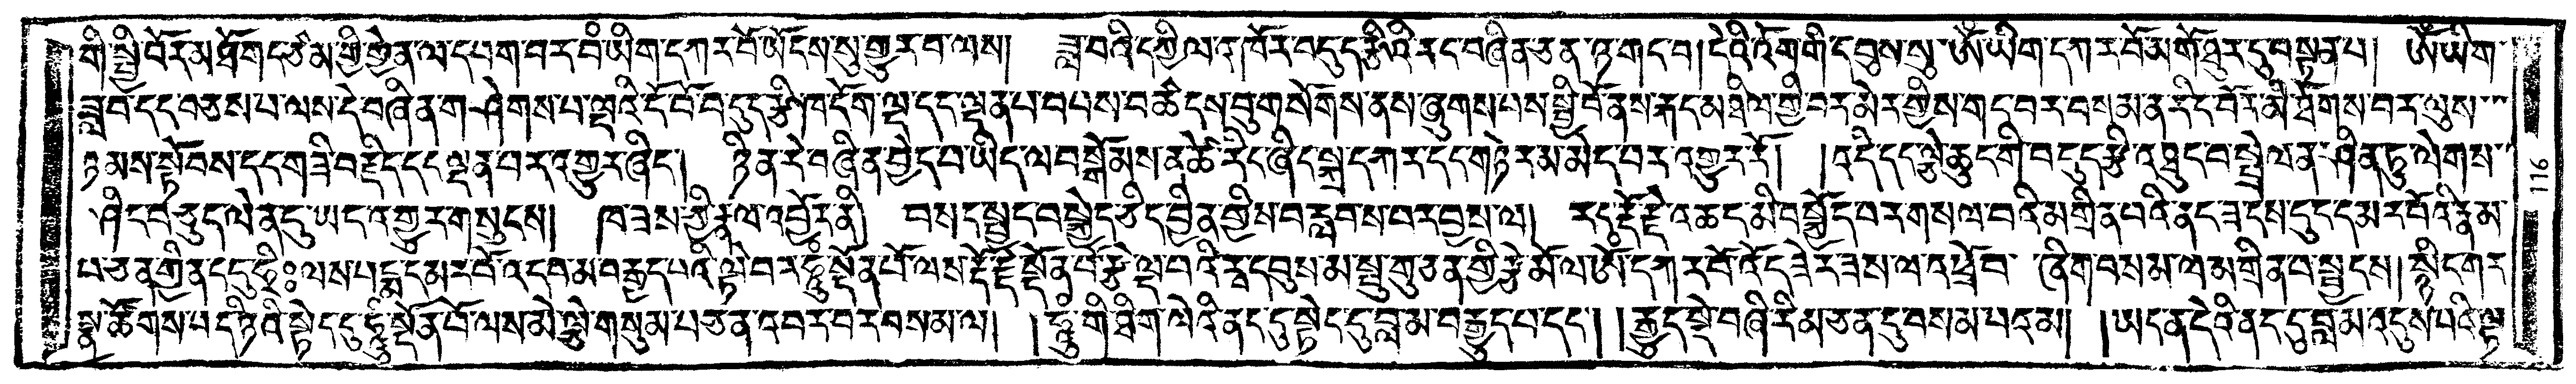གི་སྤྱི་བོར་མཐོ་གང་ཙམ་གྱི་གྱེན་ལ་དཔག་བར་བཾ་ཡིག་དཀར་པོ་ཡོངས་སུ་གྱུར་བ་ལས། ཟླ་བའི་དཀྱིལ་འཁོར་བདུད་རྩིའི་རང་བཞིན་ཅན་ཉ་གང་བ། དེའི་འོག་གི་དབུས་སུ་ཨོཾ་ཡིག་དཀར་པོ་མགོ་ཐུར་དུ་བསྟན་པ། ཨོཾ་ཡིག་
ཟླ་བ་དང་བཅས་པ་ལས་དེ་བཞིན་གཤེགས་པ་ལྔའི་ངོ་བོ་བདུད་རྩི་ཁ་དོག་ལྔ་དང་ལྡན་པ་བབས་བ་ཚངས་བུ་གསོགས་ནས་ཞུགས་པས་སྤྱི་བོ་ནས་རྐང་མཐིལ་གྱི་བར་མེར་གྱིས་གང་བར་བསམ་ན་རིང་བོར་མི་ཐོགས་བར་ལུས་
ཉམས་སྟོབས་དང་གཟི་བརྗིད་དང་ལྡན་པར་འགྱུར་ཞིང་། ཉིན་རེ་བཞིན་བྱེད་པ་ཡིད་ལ་བསྒོམས་ན་ཚེ་རིང་ཞིང་སྐྲ་དཀར་དང་གཉེར་མ་མེད་པར་འགྱུར་རོ། །འདི་དང་ལྕེ་ཆུང་གི་བདུད་རྩི་འཐུང་བ་སྤྲེལ་ན་ཤིན་ཏུ་ལེགས་
ཤིང་བཅུད་ལེན་དུ་ཡང་འགྱུར་གསུངས། ཁ་ཟས་ཀྱི་རྣལ་འབྱོར་ནི། བསང་སྦྱང་བསྐྱེད་ཅིང་བྱིན་གྱིས་བརླབས་པར་བྱས་ལ། རང་རྡོ་རྗེ་འཆང་མི་བསྐྱོད་བར་གསལ་བའི་མགྲིན་པའི་ནང་ཟངས་དུང་དམར་པོའི་རྣམ་
པ་ཅན་གྱི་ནང་དུ་ཧྲིཿ ལས་པདམ་དམར་པོ་འདབ་མ་བརྒྱད་པའི་ལྟེ་བར་ཧཱུཾ་སྔོན་པོ་ལས་རྡོ་རྗེ་སྔོན་པོ་རྩེ་ལྔ་པའི་རྭ་དབུས་མ་སྤུ་གུ་ཅན་གྱི་རྩེ་མོ་ལ་ཨོཾ་དཀར་བོ་འོད་ཟེར་ཟས་ལ་འཕྲོ་བ་ཞིག་བསམ་ལ་མགྲིན་བ་སྦྱངས། སྙིང་གར་
སྣ་ཚོགས་པད་ཉིའི་སྟེང་དུ་ཧཱུཾ་སྔོན་པོ་ལས་མེ་ལྕེ་གསུམ་པ་ཅན་འབར་བར་བསམ་ལ། །ཧཱུཾ་གི་ཐིག་ལེའི་ནང་དུ་སྟེང་དུ་བླ་མ་བརྒྱུད་པ་དང་། །རྒྱུད་སྡེ་བཞི་རིམ་ཅན་དུ་བསམ་པའམ། །ཡང་ན་དེའི་ནང་དུ་བླ་མ་འདུས་པའི་ལྟ་